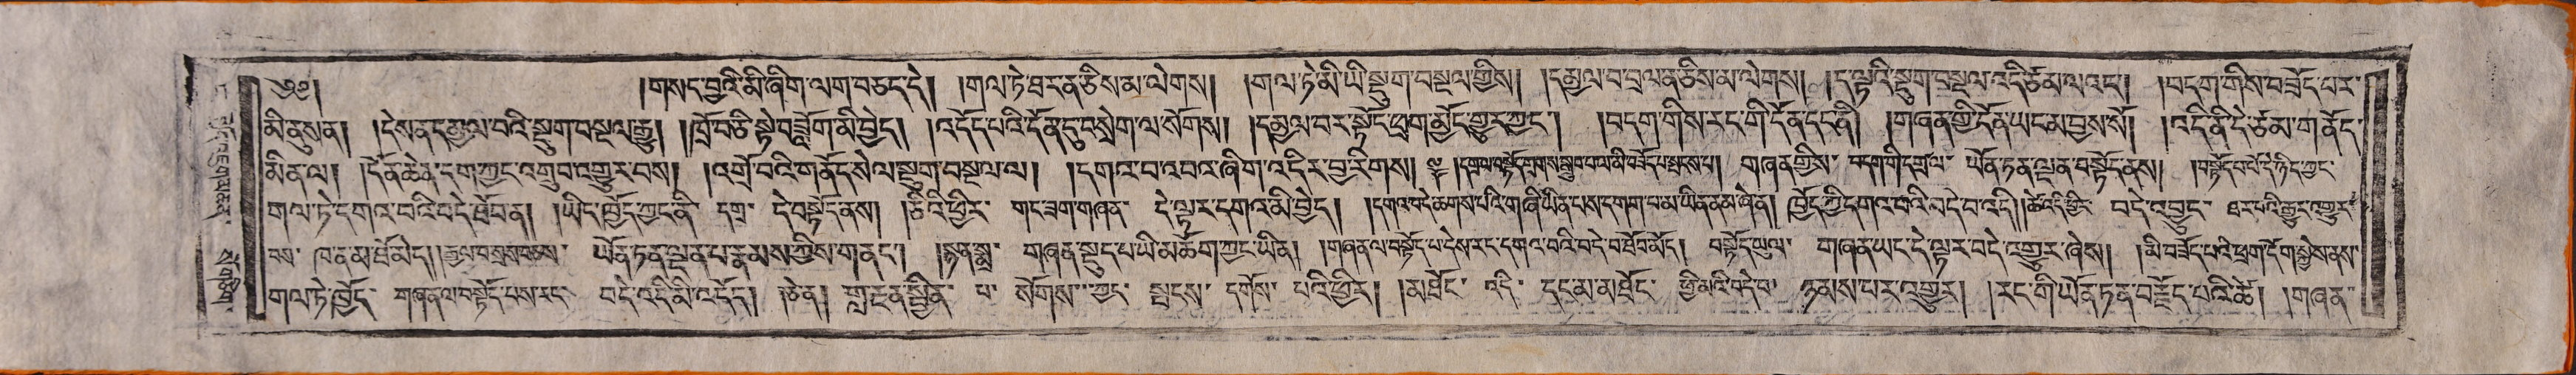༄༅། །གསང་བྱའི་མི་ཞིག་ལག་བཅད་དེ། །གལ་ཏེ་ཐར་ན་ཅིས་མ་ལེགས། །གལ་ཏེ་མི་ཡི་སྡུག་བསྔལ་གྱིས། །དམྱལ་བ་བྲལ་ན་ཅིས་མ་ལེགས། །ད་ལྟའི་སྡུག་བསྔལ་འདི་ཙམ་ལའང་། །བདག་གིས་བཟོད་པར་
མི་ནུས་ན། །དེས་ན་དམྱལ་བའི་སྡུག་བསྔལ་རྒྱུ། །ཁྲོ་བ་ཅི་སྟེ་བཟློག་མི་བྱེད། །འདོད་པའི་དོན་དུ་བསྲེག་ལ་སོགས། །དམྱལ་བར་སྟོང་ཕྲག་མྱོང་གྱུར་ཀྱང་། །བདག་གིས་རང་གི་དོན་དང་ནི། །གཞན་གྱི་དོན་ཡང་མ་བྱས་སོ། །འདི་ནི་དེ་ཙམ་གནོད་
མིན་ལ། །དོན་ཆེན་དག་ཀྱང་འགྲུབ་འགྱུར་བས། །འགྲོ་བའི་གནོད་སེལ་སྡུག་བསྔལ་ལ། །དགའ་བ་འབའ་ཞིག་འདིར་བྱ་རིགས། །དགྲལ་བསྟོད་གྲགས་སྒྲུབ་པ་ལ་མི་བཟོད་པ་སྤངས་པ།  །གཞན་གྱིས་བདག་གི་དགྲ་ལ་ཡོན་ཏན་ལྡན་བསྟོད་ནས། །བསྟོད་པ་པོ་དེ་ཉིད་ཀྱང
གལ་ཏེ་དགའ་བའི་བདེ་ཐོབ་ན། །ཡིད་ཁྱོད་ཀྱང་ནི་དགྲ།  དེ་བསྟོད་ནས། །ཅིའི་ཕྱིར་གང་ཟག་གཞན་དེ་ལྟར་དགའ་མི་བྱེད། །དགའ་བདེ་ཆགས་པའི་གཞི་ཡིན་པས་དགག་པ་མ་ཡིན་ནམ་ཞེ་ན།  ཁྱོད་ཀྱི་དགའ་བའི་བདེ་བ་འདི། །ཚེ་འདི་ཕྱིར་བདེ་འབྱུང་ཐར་པའི་རྒྱུར་འགྱུར་
བས་ཁ་ན་མ་ཐོ་མེད། །རྒྱལ་བ་སྲས་བཅས་ཡོན་ཏན་ལྡན་པ་རྣམས་ཀྱིས་གནང་། །སྙན་སྨྲ་གཞན་སྡུད་པ་ཡི་མཆོག་ཀྱང་ཡིན། །གཞན་ལ་བསྟོད་པ་དེས་རང་དགའ་བའི་བདེ་བ་ཐོབ་མོད། བསྟོད་ཡུལ་གཞན་ཡང་དེ་ལྟར་བདེ་འགྱུར་ཞེས། །མི་བཟོད་བའི་ཕྲག་དོག་སྐྱེས་ནས
གལ་ཏེ་ཁྱོད་གཞན་ལ་བསྟོད་པས་རང་བདེ་འདི་མི་འདོད། །ཅེ་ན།  གླ་རྔན་སྦྱིན་བ་སོགས་ཀྱང་སྤངས་དགོས་པའི་ཕྱིར། །མཐོང་འདི་དང་མ་མཐོང་ཕྱི་མའི་བདེ་བ་ཉམས་པར་འགྱུར། །རང་གི་ཡོན་ཏན་བརྗོད་པའི་ཚེ། །གཞན་